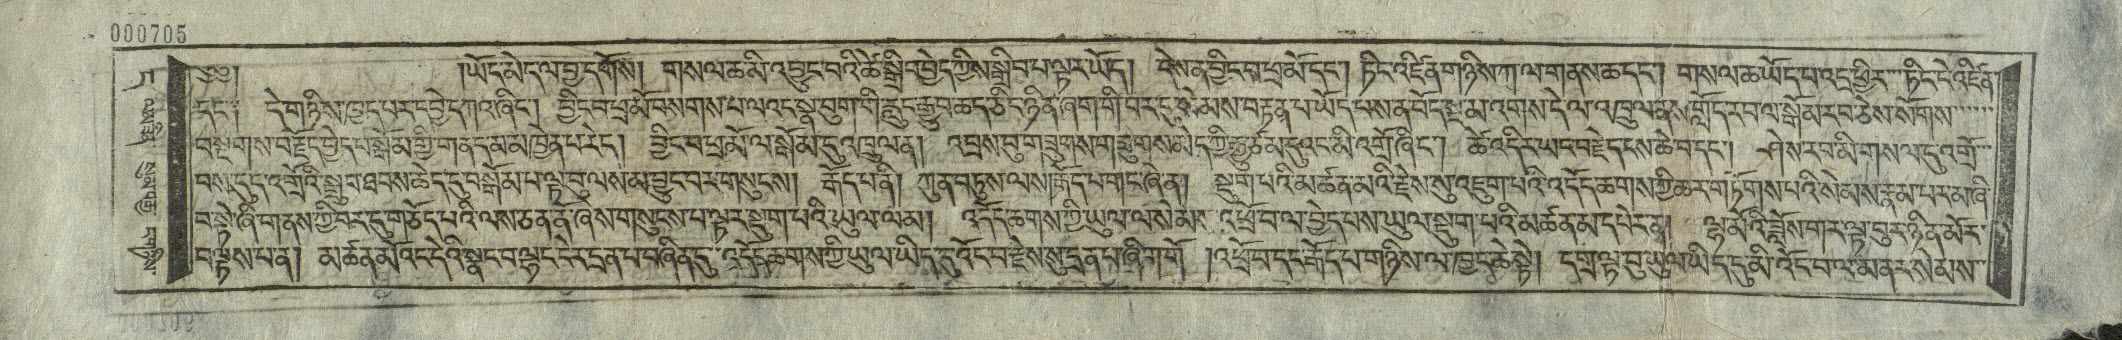༄༅། །ཡོད་མེད་ལ་བྱ་དགོས། གསལ་ཆ་མི་འབྱུང་བའི་ཚེ་སྒྲིབ་བྱེད་ཀྱིས་སྒྲིབ་པ་ལྟར་ཡོད། དེས་ན་བྱིང་བ་ཕྲ་མོ་དང་། ཏིང་འཛིན་གཉིས་ཀ་ལ་གནས་ཆ་དང་། གསལ་ཆ་ཡོད་པ་འདྲ་ཕྱིར་ཏིང་ངེ་འཛིན་
དང༑ དེ་གཉིས་ཁྱད་པར་དབྱེ་དཀའ་ཞིང་། བྱིང་བ་ཕྲ་མོ་བསགས་པ་ལའང་སྣ་བུག་གི་རླུང་རྒྱུབ་ཆད་ཅིང་ཉིན་ཞག་གི་བར་དུ་སེམས་བརྟན་པ་ཡོད་པས་ན་བོད་སྔ་མ་འགས་དེ་ལ་འཁྲུལ་ནས་གློད་རབ་ལ་སྒོམ་རབ་ཅེས་སོགས་
བསྔགས་བརྗོད་བྱེད་པ་སྒོམ་གྱི་གནད་མ་མཁྱེན་པ་རེད། བྱིང་བ་ཕྲ་མོ་ལ་སྒོམ་དུ་འཁྲུལ་ན། འབྲས་བུ་གཟུགས་གཟུགས་མེད་ཀྱི་རྒྱུ་ཙམ་དུའང་མི་འགྲོ་ཞིང་། ཚེ་འདིར་ཡང་བརྗེད་ངས་ཆེ་བ་དང་། ཤེས་རབ་མི་གསལ་དུ་འགྲོ་
བས་དུད་འགྲོའི་སྒྲུབ་ཐབས་ཆེད་དུ་བསྒོམ་པ་ལྟ་བུ་ལས་མ་བྱུང་བར་གསུངས། རྒོད་པ་ནི། ཀུན་བཏུས་ལས། རྒོད་པ་གང་ཞེ་ན། སྡུག་པའི་མཚན་མའི་རྗེས་སུ་འཇུག་པའི་འདོད་ཆགས་ཀྱི་ཆར་གཏོགས་པའི་སེམས་རྣམ་པར་མ་ཞི་
བ་སྟེ་ཞི་གནས་ཀྱི་བར་དུ་གཅོད་པའི་ལས་ཅན་ནོ་ཞེས་གསུངས་པ་ལྟར་སྡུག་པའི་ཡུལ་ལམ། འདོད་ཆགས་ཀྱི་ཡུལ་ལ་སེམས་འཕྲོ་བ་ལ་བྱེད་པས་ཡུལ་སྡུག་པའི་མཚན་མ་དཔེར་ན། ལྷ་མོའི་ཟློས་གར་ལྟ་བུར་ཉིན་མོར་
བལྟས་པ་ན། མཚན་མོའང་དེའི་སྣང་བ་ལྷང་ངེར་དྲན་པ་བཞིན་དུ་འདོད་ཆགས་ཀྱི་ཡུལ་ཡིད་དུ་འོང་བ་རྗེས་སུ་དྲན་པ་ཞིག་གོ །འཕྲོ་བ་དང་རྒོད་པ་གཉིས་ལ་ཁྱད་ཆེ་སྟེ། དགྲ་ལྟ་བུ་ཡུལ་ཡིད་དུ་མི་འོང་བ་ལ་མནར་སེམས་